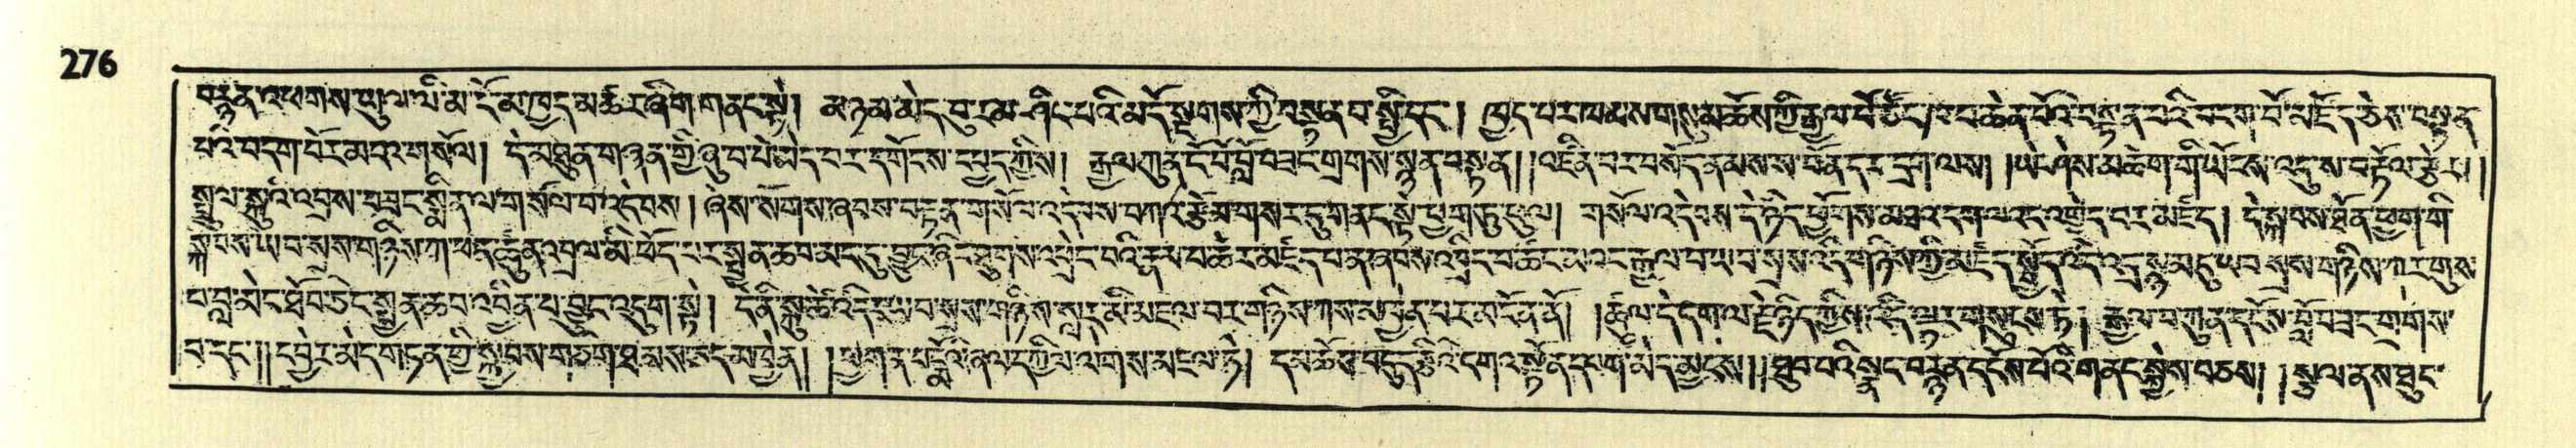བརྙན་འཕགས་ཡུལ་ལ་མི་ངོ་མ་ཁྱད་མཚར་ཞིག་གནང་སྟེ། མཉམ་མེད་བུ་རམ་ཤིང་པའི་མདོ་སྔགས་ཀྱི་བསྟན་བ་སྤྱི་དང་། ཁྱད་པར་ཁམས་གསུམ་ཆོས་ཀྱི་རྒྱལ་པོ་ཙོང་ཁ་བ་ཆེན་པོའི་བསྟན་པའི་བདག་པོ་མཛོད་ཅེས་བསྟན་
པའི་བདག་པོར་མངའ་གསོལ། དེ་མཐུན་གཞན་གྱི་ཞུ་བ་པེ་མེད་བར་དགོངས་དཔྱད་ཀྱིས། རྒྱལ་ཀུན་ངོ་བོ་བློ་བཟང་གྲགས་སྙན་བསྟན། །འཛིན་བར་བསོད་ནམས་ས་བོན་དང་དྲག་ལས། །ཡེ་ཤེས་མཆེག་གི་ཡོངས་འདུ་ས་བརྟོལ་རྩེར། །
སྤྲུལ་སྐུའི་འབྲས་བཟང་སྨིན་ལ་གསོལ་བ་འདེབས། ཞེས་སོགས་ཞབས་བརྟན་གསོལ་འདེབས་བཀའ་རྩོམ་གསར་དུ་གནང་སྟེ་ཕྱག་ཏུ་ཕུལ། གསོལ་འདེབས་དེ་ཉིད་ཕྱོགས་མཐའ་དག་ལའང་འགྱེད་བར་མཛད། དེ་སྐབས་ཐོན་ཕྱག་གི་
སྐབས་ཡབ་སྲས་གཉིས་ཀ་ཕན་ཚུན་འབྲལ་མི་ཕོད་པར་སྤྱན་ཆབ་མང་དུ་བྱུང་ཞིང་ཐུགས་འཕྲེང་བའི་རྣམ་པ་ཆོར་མཛད་པ་ན་ཞབས་འབྲིང་བ་ཚང་མའང་རྒྱལ་བ་ཡབ་སྲས་འདི་གཉིས་ཀྱི་མཛད་སྤྱོད་འདི་འདྲ་སྙམ་དུ་ཡབ་སྲས་གཉིས་ཀར་གུས་
བ་བླ་མེད་ཐོབ་ཅིང་སྤྱན་ཆབ་འབྱིན་པ་བྱུང་འདུག་སྟེ། དེ་ནི་སྐུ་ཚེ་འདིར་ཡབ་སྲས་གཉིས་སླར་མི་མཇལ་བར་གཉིས་ཀས་མཁྱེན་པར་མངོན་ནོ། །ཚུལ་དེ་དག་ལ་རྗེ་ཉིད་ཀྱིས་འདི་ལྟར་གསུངས་ཏེ། རྒྱལ་བ་ཀུན་དངོས་བློ་བཟང་གྲགས་
བ་དང་། །དབྱེར་མེད་གཏན་གྱི་སྐྱབས་གཅིག་ཐམས་ཅད་མཁྱེན། །ཕྱག་ན་པདམོའི་ཞལ་དཀྱིལ་ལེགས་མཇལ་ཏེ། དམ་ཆོས་བདུད་རྩིའི་དགའ་སྟོན་དཔག་མེད་མྱངས། །ཐུབ་བའི་སྣང་བརྙན་དངོས་པོའི་གནང་སྐྱེས་བཅས། །སྩལ་ནས་ཐུང་